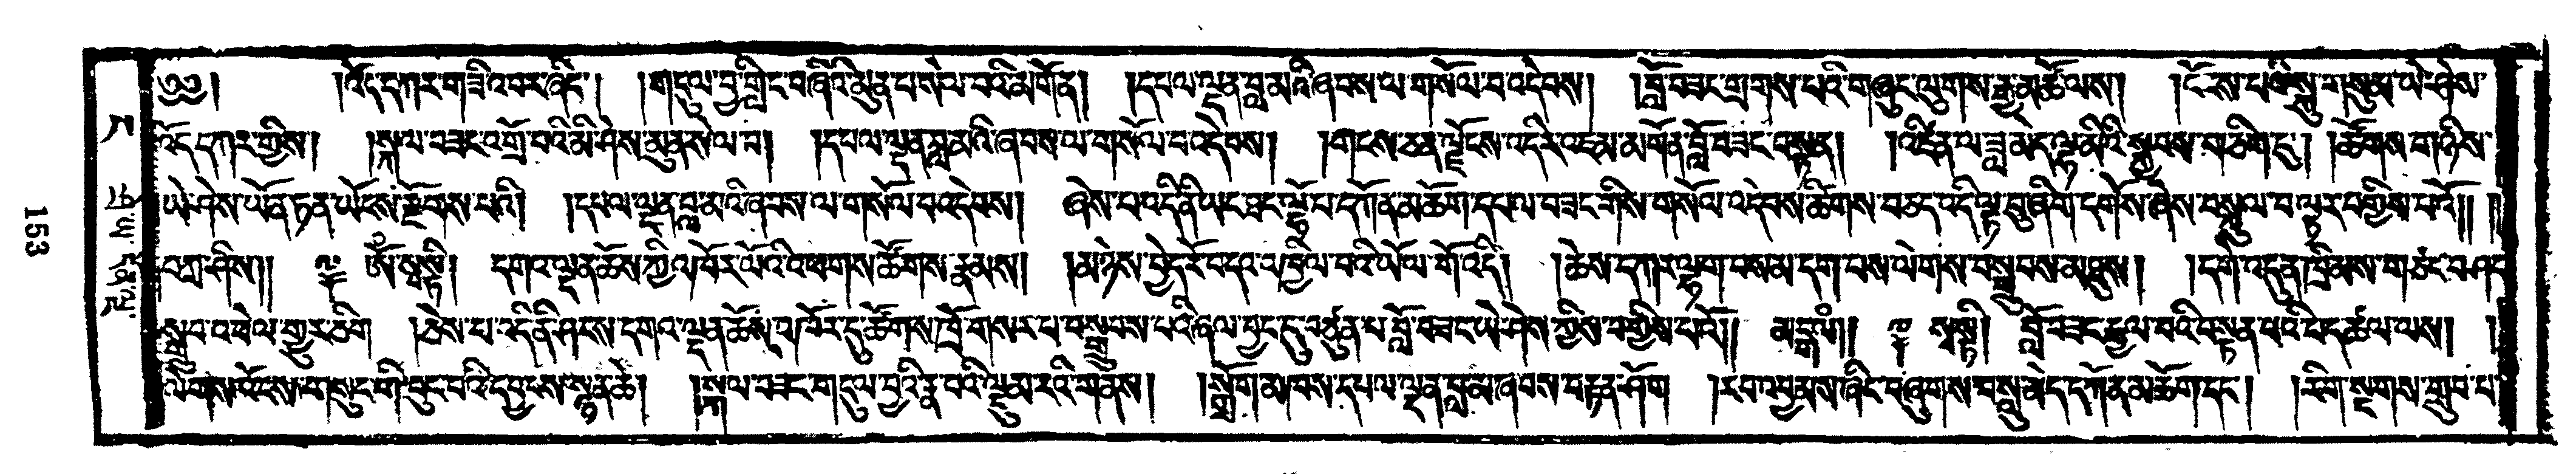༄༅། །འོད་དཀར་གཟི་འབར་ཞིང་། །གདུལ་བྱ་གླིང་བཞིའི་མུན་པ་སེལ་བའི་མགོན། །དཔལ་ལྡན་བླ་མའི་ཞབས་ལ་གསོལ་བ་འདེབས། །བློ་བཟང་གྲགས་པའི་གཞུང་ལུགས་རྒྱ་མཚོ་ལས། །ལོངས་པའི་སྐུ་གསུམ་ཡེ་ཤེས་
འོད་དཀར་གྱིས། །སྐལ་བཟང་འགྲོ་བའི་མི་ཤེས་མུན་སེལ་བ། །དཔལ་ལྡན་བླ་མའི་ཞབས་ལ་གསོལ་བ་འདེབས། །གངས་ཅན་ལྗོངས་འདིར་འཇམ་མགོན་བློ་བཟང་བསྟན། །འཛིན་ལ་ཟླ་མེད་ལྷ་མིའི་སྐྱབས་གཅིག་དུ། །ཚོགས་གཉིས་
ཡེ་ཤེས་ཡོན་ཏན་ཡོངས་རྫོགས་པའི། །དཔལ་ལྡན་བླ་མའི་ཞབས་ལ་གསོལ་བ་འདེབས། ཞེས་པ་འདི་ནི་ཡང་ཐང་ལྷོ་པ་དཀོན་མཆོག་དཔལ་བཟང་གིས་གསོལ་འདེབས་ཚིགས་བཅད་འདི་ལྟ་བུ་ཞིག་དགོས་ཞེས་བསྐུལ་བ་ལྟར་བགྱིས་པའོ།། །།
བཀྲ་ཤིས།། ༈ ཨོཾ་སྭསྟི། དགའ་ལྡན་ཆོས་ཀྱི་འཁོར་ལོའི་འཕགས་ཚོགས་རྣམས། །མཉེས་བྱེད་རོ་བདའ་འཁྱིལ་བའི་ཡོལ་གོ་འདི། །ཆེས་དཀར་ལྷག་བསམ་དག་བས་ལེགས་བསྒྲུབས་མཐུས། །དགེ་འདུན་ཁྲིམས་གཙང་བཤད་
སྒྲུབ་འཕེལ་གྱུར་ཅིག །ཅེས་པ་འདི་ནི་ཤངས་དགའ་ལྡན་ཆོས་འཁོར་དུ་ཚོགས་ཁྲོ་གསར་པ་བསྒྲུབས་པའི་ཞལ་བྱང་དུ་བཙུན་པ་བློ་བཟང་ཡེ་ཤེས་ཀྱིས་བགྱིས་པའོ།། མངྒལཾ།། ༈ སྭསྟི། བློ་བཟང་རྒྱལ་བའི་བསྟན་པའི་པད་ཚལ་ལས། །
ལེགས་འོངས་གསུང་གི་བུང་བའི་དབྱངས་སྙན་ཆེ། །སྐལ་བཟང་གདུལ་བྱའི་རྣ་བའི་ལྡུམ་རའི་གནས། །སྒྲོག་མཁས་དཔལ་ལྡན་བླ་མ་ཞབས་བརྟན་ཤོག །རབ་འབྱམས་ཞིང་བཞུགས་བསླུ་མེད་དཀོན་མཆོག་དང་། །རིག་སྔགས་གྲུབ་པ་